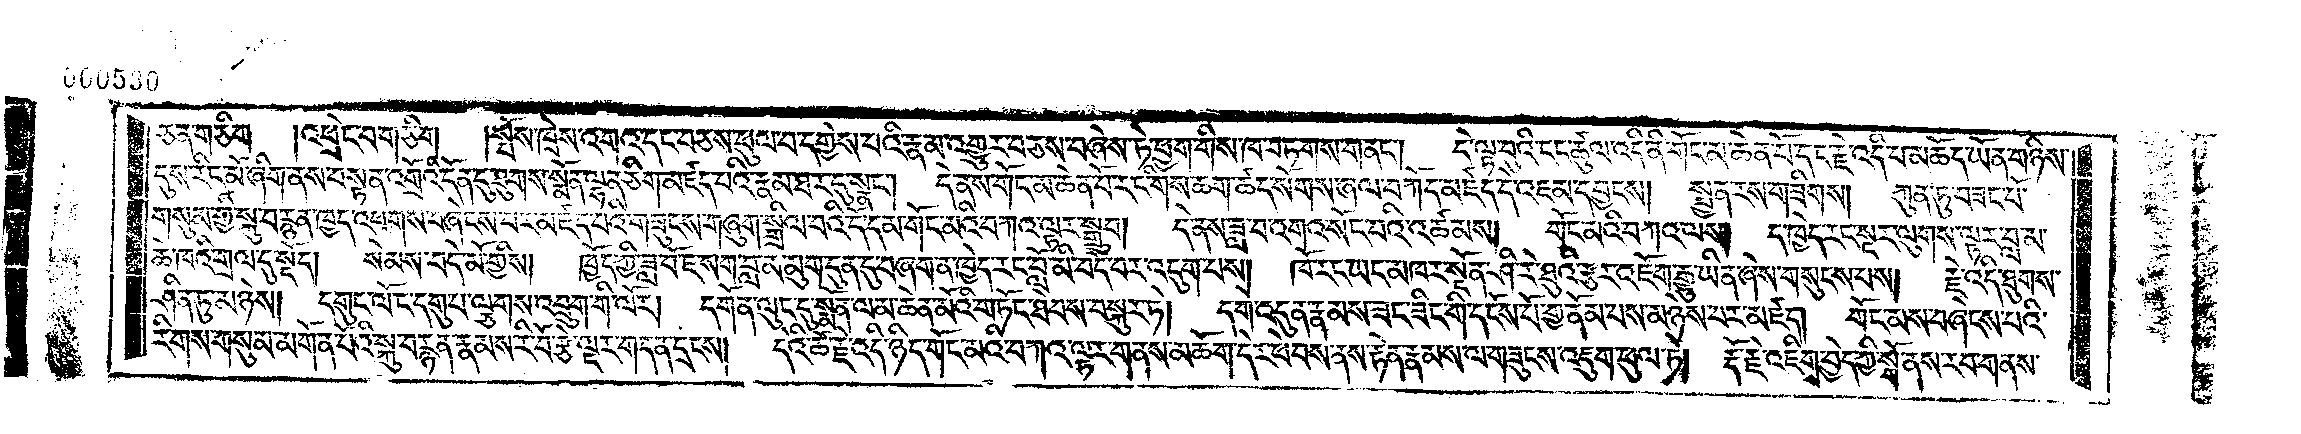ཅན་གཅིག །འཕྲེང་བ་གཅིག། སྤོས་ཁྲེས་འགའ་དང་བཅས་ཕུལ་བ་དགྱེས་པའི་རྣམ་འགྱུར་བཅས་བཞེས་ཏེ་ཕྱག་གིས་ཁ་བཏགས་གནང་། དེ་ལྟ་བུའི་ངང་ཚུལ་འདི་ནི་གོང་མ་ཆེན་པོ་དང་རྗེ་འདི་པ་མཆོད་ཡོན་གཉིས་
དུས་རིང་མོ་ཞིག་ནས་བསྟན་འགྲོའི་དོན་དུ་ཐུགས་སྨོན་ལྷན་ཅིག་མཛད་པའི་རྣམ་ཐར་དུ་སྣང་། དེ་ནས་གོང་མ་ཆེན་པོ་རང་གིས་ཆག་ཚད་སོགས་ཞལ་བཀོད་མཛད་དེ་འཇམ་དབྱངས། སྤྱན་རས་གཟིགས། ཀུན་ཏུ་བཟང་པོ་
གསུམ་གྱི་སྐུ་བརྙན་ཁྱད་འཕགས་བཞེངས་པར་མཛད་པའི་གཟུངས་གཞུག་སྒྲིལ་བའི་དོ་དམ་གོང་མའི་བཀའ་ལྟར་སྒྲུབ། དེ་ནས་ཟླ་བ་འགའ་སོང་པའི་འཚམས། གོང་མའི་བཀའ་ལས། ད་ཁྱེད་རང་སྔར་ལུགས་ལྟར་བླ་མ་
ཆེ་ཁའི་གྲལ་དུ་སྡོད། སེམས་བདེ་མོ་གྱིས། ཁྱོད་ཀྱི་ཟླ་པོ་ཇ་སག་བླ་མ་མུག་དུན་དུ་བཞག་ན་ཁྱེད་རང་བློ་མི་བདེ་བར་འདུག་པས། ཁོ་རང་ཡང་མཁར་སྔོན་ཤི་རེ་ཐུའི་རྩར་འཇོག་རྒྱུ་ཡིན་ཞེས་གསུངས་པས། རྗེ་འདི་ཐུགས་
ཤིན་ཏུ་མཉེས། དགུང་ལོ་ང་དགུ་པ་ལྕགས་འབྲུག་གི་ལོར། དགོན་ལུང་དུ་སྨོན་ལམ་ཆེན་མོའི་གཏོང་ཐེབས་བསྐུར་ཏེ། དགེ་འདུན་རྣམས་ཟང་ཟིང་གི་དངོས་པོ་གྱ་ནོམ་པས་མཉེས་པར་མཛད། གོང་མས་བཞེངས་པའི་
རིགས་གསུམ་མགོན་པོའི་སྐུ་བརྙན་རྣམས་རི་བོ་རྩེ་ལྔར་གདན་དྲངས། དེའི་ཚེ་རྗེ་འདི་ཉིད་གོང་མའི་བཀའ་ལྟར་གནས་མཆོག་དེར་ཕེབས་ནས་རྟེན་རྣམས་ལ་གཟུངས་འཇུག་ཕུལ་ཏེ། རྡོ་རྗེ་འཇིགས་བྱེད་ཀྱི་སྒོ་ནས་རབ་གནས་